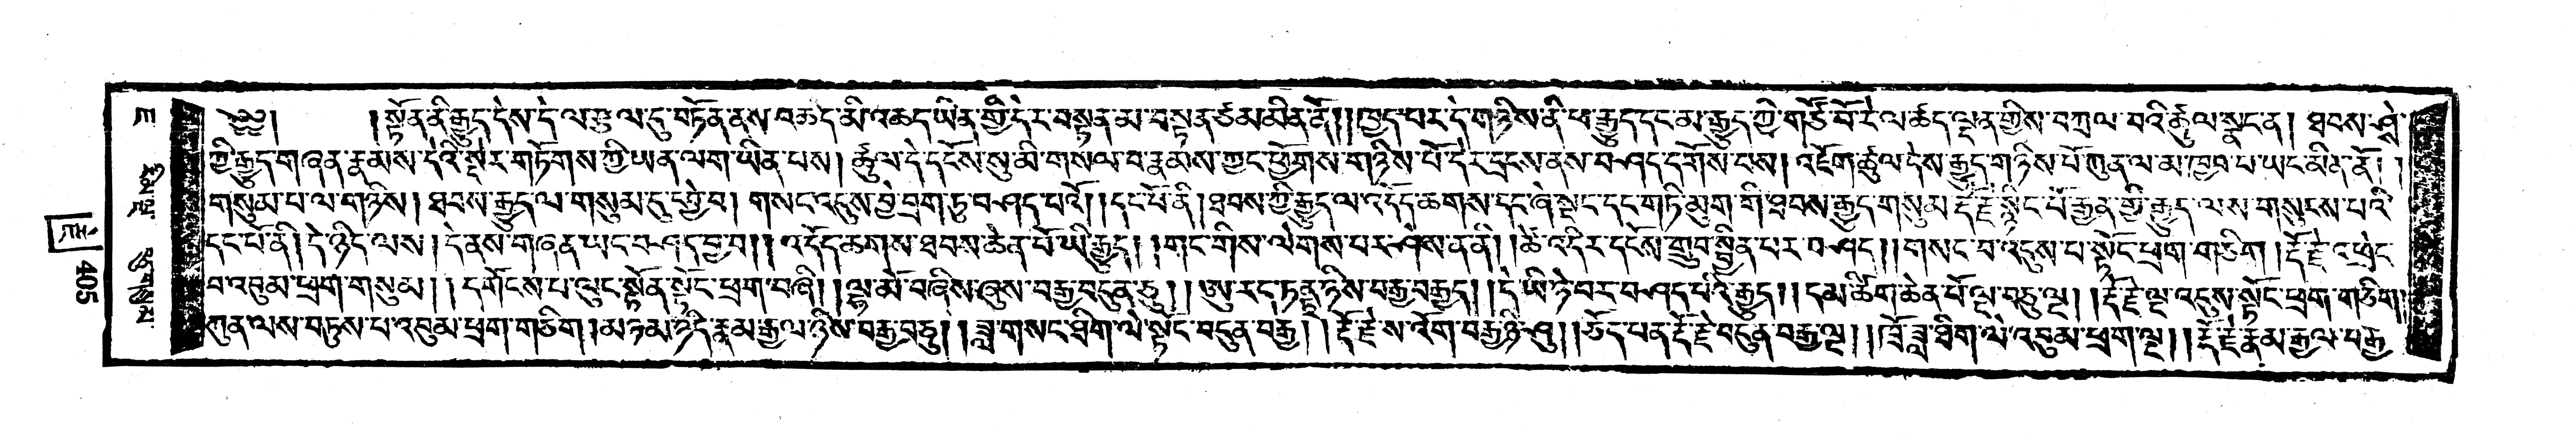༄༅། །སྟོན་ནི་རྒྱུད་དེས་དེ་ལ་རྩལ་དུ་བཏོན་ནས་འཆད་མི་འཆད་ཡིན་གྱི་དེར་བསྟན་མ་བསྟན་ཙམ་མིན་ནོ། །ཁྱད་པར་དེ་གཉིས་ནི་ཕ་རྒྱུད་དང་མ་རྒྱུད་ཀྱི་གཙོ་བོ་རེ་ལ་ཚད་ལྡན་གྱིས་བཀྲལ་བའི་ཚུལ་སྣང་ན། ཐབས་ཤེས་
ཀྱི་རྒྱུད་གཞན་རྣམས་དེའི་སྡེར་གཏོགས་ཀྱི་ཡན་ལག་ཡིན་པས། ཚུལ་དེ་དངོས་སུ་མི་གསལ་བ་རྣམས་ཀྱང་ཕྱོགས་གཉིས་པོ་དེར་དྲངས་ནས་བཤད་དགོས་པས། འཇོག་ཚུལ་དེས་རྒྱུད་གཉིས་པོ་ཀུན་ལ་མ་ཁྱབ་པ་ཡང་མིན་ནོ། །
གསུམ་པ་ལ་གཉིས། ཐབས་རྒྱུད་ལ་གསུམ་དུ་དབྱེ་བ། གསང་འདུས་བྱེ་བྲག་ཏུ་བཤད་པའོ། །དང་པོ་ནི། ཐབས་ཀྱི་རྒྱུད་ལ་འདོད་ཆགས་དང་ཞེ་སྡང་དང་གཏི་མུག་གི་ཐབས་རྒྱུད་གསུམ་རྡོ་རྗེ་སྙིང་པོ་རྒྱན་གྱི་རྒྱུད་ལས་གསུངས་པའི་
དང་པོ་ནི། དེ་ཉིད་ལས། དེ་ནས་གཞན་ཡང་བཤད་བྱ་བ། །འདོད་ཆགས་ཐབས་ཆེན་པོ་ཡི་རྒྱུད། །གང་གིས་ལེགས་པར་ཤེས་ན་ནི། །ཚེ་འདིར་དངོས་གྲུབ་སྦྱིན་པར་བཤད། །གསང་བ་འདུས་པ་སྟོང་ཕྲག་གཅིག །རྡོ་རྗེ་འཕྲེང་
བ་འབུམ་ཕྲག་གསུམ། །དགོངས་པ་ལུང་སྟོན་སྟོང་ཕྲག་བཞི། །ལྷ་མོ་བཞིས་ཞུས་བརྒྱ་བདུན་ཅུ། །ཨུ་རད་ཏནྟྲ་ཉིས་བརྒྱ་བརྒྱད། །དེ་ཡི་ཉེ་བར་བཤད་པའི་རྒྱུད། །དམ་ཚིག་ཆེན་པོ་ལྔ་བཅུ་ལྔ། །རྡོ་རྗེ་ལྔ་འདུས་སྟོང་ཕྲག་གཅིག །
ཀུན་ལས་བཏུས་པ་འབུམ་ཕྲེག་གཅིག །མཉམ་ཉིད་རྣམ་རྒྱལ་ཉིས་བརྒྱ་བཅུ། །ཟླ་གསང་ཐིག་ལེ་སྟོང་བདུན་བརྒྱ། །རྡོ་རྗེ་ས་འོག་བརྒྱ་ཉི་ཤུ། །ཅོད་པན་རྡོ་རྗེ་བདུན་བརྒྱ་ལྔ། །ཁྲོ་ཟླ་ཐིག་ལེ་འབུམ་ཕྲག་ལྔ། །རྡོ་རྗེ་རྣམ་རྒྱལ་བརྒྱ་